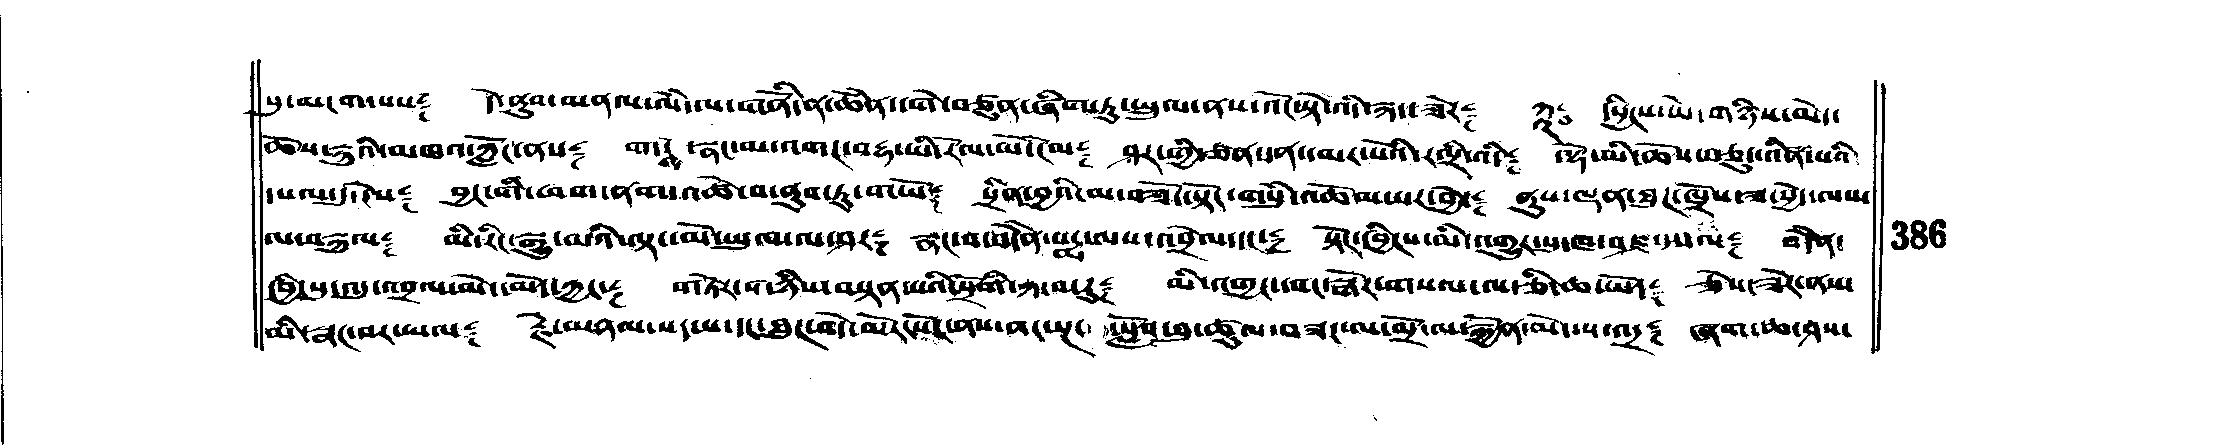སུ་མངག་པས། དེ་ནུབ་མནལ་ལམ་ལ་གནོད་སྦྱིན་ཆེན་པོ་དགེ་བཙུན་ཞིག་ཏུ་སྤྲུལ་ནས་འོང་སྟེ་འདི་སྐད་ཟེར། ཀྵཿ དབྱིངས་ཡེ་གཉིས་མེད་
ཆོས་སྐུའི་མཁའ་ཀློང་ནས། །གང་སྣང་མ་འགགས་བརྡ་ཡི་རོལ་མོ་ངོམ། །ཤར་གྱི་ཙན་དན་དམར་པོའི་རལ་གྲི་འདི། །ལྷོ་ཡི་ཆོས་བཅུད་འཛིན་པའི་
དཔལ་དུ་ངེས། །བྱང་གི་ཕག་ནག་འཚེ་བ་ནུབ་ཏུ་གཡོ། །སྲིན་བྱའི་མ་བཟོད་སྟོང་གསུམ་འཆོམ་པར་བྱེ། །ནུས་ལྡན་ཐུགས་ཁྲོས་ཟ་བྱེད་ལས་
ལ་བསྐུལ། །མི་རིང་སྒྱུ་མའི་ལྟད་མོ་ཡུལ་ལ་ཤར། །སྣང་བ་བདེ་ཆེན་པདྨ་ལས་འབྲེལ་དང་། །སྟོང་དབྱིངས་མི་འགྱུར་སུ་ཁ་བཛྲ་དཔལ། །བདེ་ཆེན་
དབྱིངས་སུ་འདུ་འབྲལ་མེད་མོད་ཀྱང་། །གཏེར་གཉིས་བསྟན་པའི་སྲོག་གི་ཀ་མ་རུ། །མི་འགྱང་དབང་སྒོར་གསལ་ལ་ཅི་ཆ་ཡོད། །ཅེས་ཟེར་ནས་
མི་སྣང་བར་ཡལ། རྗེ་མནལ་སད་པ་དང་ཐུགས་བདེ་མེད་པར་སོང་ནས་ནངས་སྔ་སློབ་བུ་ཚུལ་བཟང་ལ་མཁའ་འགྲོ་ལ་སྐྱོན་མེད་པ་འདྲ། ཞག་ཆ་ཤས་